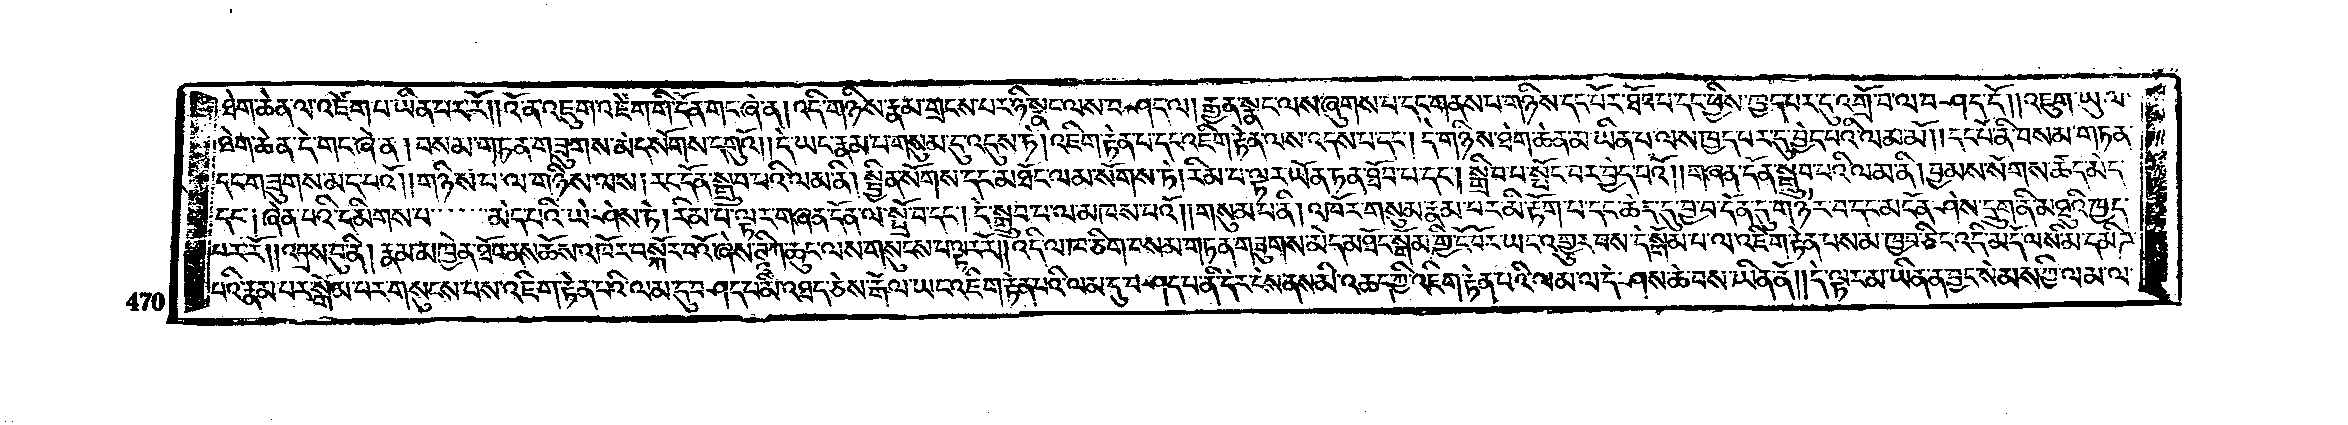ཐེག་ཆེན་ལ་འཇོག་པ་ཡིན་པར་རོ། །འོ་ན་འཇུག་འཇོག་གི་དོན་གང་ཞེ་ན། འདི་གཉིས་རྣམ་གྲངས་པར་ཉི་སྣང་ལས་བཤད་ལ། རྒྱན་སྣང་ལས་ཞུགས་པ་དང་གནས་པ་གཉིས་དང་པོར་ཐོབ་པ་དང་ཕྱིས་ཁྱད་པར་དུ་འགྲོ་བ་ལ་བཤད་དོ། །འཇུག་ཡུལ་
ཐེག་ཆེན་དེ་གང་ཞེ་ན། བསམ་གཏན་གཟུགས་མེད་སོགས་དགུའོ། །དེ་ཡང་རྣམ་པ་གསུམ་དུ་འདུས་ཏེ། འཇིག་རྟེན་པ་དང་འཇིག་རྟེན་ལས་འདས་པ་དང་། དེ་གཉིས་ཐེག་ཆེན་མ་ཡིན་པ་ལས་ཁྱད་པར་དུ་བྱེད་པའི་ལམ་མོ། །དང་པོ་ནི་བསམ་གཏན་
དང་གཟུགས་མེད་པའོ། །གཉིས་པ་ལ་གཉིས་ལས། རང་དོན་སྒྲུབ་པའི་ལམ་ནི། སྦྱིན་སོགས་དང་མཐོང་ལམ་སོགས་ཏེ། རིམ་པ་ལྟར་ཡོན་ཏན་ཐོབ་པ་དང་། སྒྲིབ་པ་སྤོང་བར་བྱེད་པའོ། །གཞན་དོན་སྒྲུབ་པའི་ལམ་ནི། བྱམས་སོགས་ཚད་མེད་
དང་། ཞེན་པའི་དམིགས་པ་མེད་པའི་ཡེ་ཤེས་ཏེ། རིམ་པ་ལྟར་གཞན་དོན་ལ་སྤྲོ་བ་དང་། དེ་སྒྲུབ་པ་ལ་མཁས་པའོ། །གསུམ་པ་ནི། འཁོར་གསུམ་རྣམ་པར་མི་རྟོག་པ་དང་ཆེད་དུ་བྱ་བ་དོན་དུ་གཉེར་བ་དང་མངོན་ཤེས་དྲུག་ནི་མཐུའི་ཁྱད་
པར་རོ། །འབྲས་བུ་ནི། རྣམ་མཁྱེན་ཐོབ་ནས་ཆོས་འཁོར་བསྐོར་བའོ་ཞེས་ཊཱིཀ་ཆུང་ལས་གསུངས་པ་ལྟར་རོ། །འདི་ལ་ཁ་ཅིག་བསམ་གཏན་གཟུགས་མེད་མཐོང་སྒོམ་གྱི་ངོ་བོར་ཡང་འགྱུར་བས་དེ་སྒོམ་པ་ལ་འཇིག་རྟེན་པས་མ་ཁྱབ་ཅིང་འདི་མདོ་ལས་མི་དམིགས་
པའི་རྣམ་པར་སྒོམ་པར་གསུངས་པས་འཇིག་རྟེན་པའི་ལམ་དུ་བཤད་པ་མི་འཐད་ཅེས་རྒོལ་ཡང་འཇིག་རྟེན་པའི་ལམ་དུ་བཤད་པ་ནི་དེར་ངེས་ནས་མི་འཆད་ཀྱི་འཇིག་རྟེན་པའི་ལམ་ལ་དེ་ཤེས་ཆེ་བས་ཡིན་ནོ། །དེ་ལྟར་མ་ཡིན་ན་བྱང་སེམས་ཀྱི་ལམ་ལ་